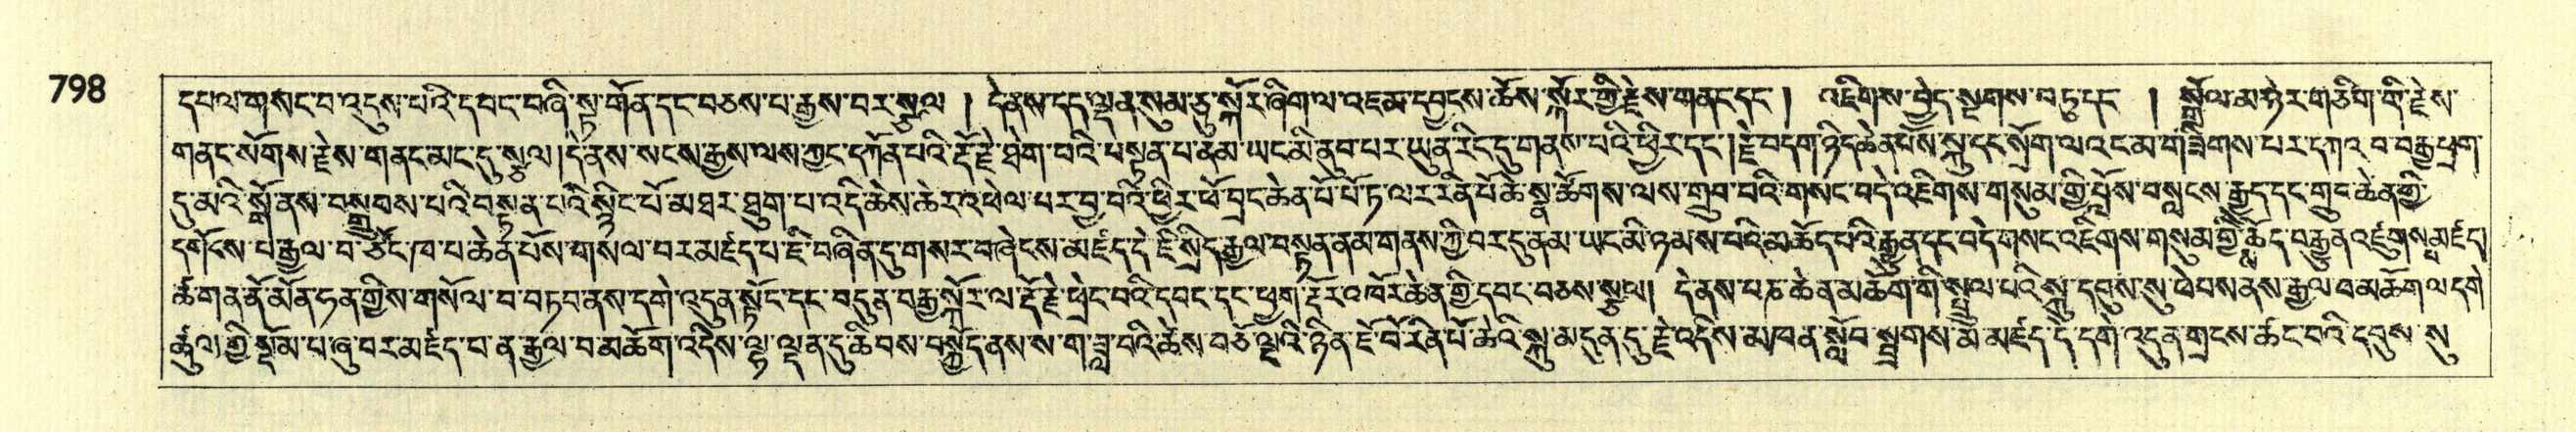དཔལ་གསང་བ་འདུས་པའི་དབང་བཞི་སྟ་གོན་དང་བཅས་པ་རྒྱས་པར་སྩལ། །དེ་ནས་དད་ལྡན་སུམ་ཅུ་སྐོར་ཞིག་ལ་འཇམ་དབྱངས་ཆོས་སྐོར་གྱི་རྗེས་གནང་དང་། འཇིགས་བྱེད་སྔགས་བཏུ་དང་། སྒྲོལ་མ་ཉེར་གཅིག་གི་རྗེས་
གནང་སོགས་རྗེས་གནང་མང་དུ་སྩལ། །དེ་ནས་སངས་རྒྱས་ལས་ཀྱང་དཀོན་པའི་རྡོ་རྗེ་ཐེག་པའི་བསྟན་པ་ནམ་ཡང་མི་ནུབ་པར་ཡུན་རིང་དུ་གནས་པའི་ཕྱིར་དང་། རྗེ་བདག་ཉིད་ཆེན་པོས་སྐུ་དང་སྲོག་ལའང་མ་གཟིགས་པར་དཀའ་བ་བརྒྱ་ཕྲག་
དུ་མའི་སྒོ་ནས་བསྒྲུབས་པའི་བསྟན་པའི་སྙིང་པོ་མཐར་ཐུག་པ་འདི་ཆེས་ཆེར་འཕེལ་པར་བྱ་བའི་ཕྱིར་ཕོ་བྲང་ཆེན་པོ་པོ་ཏ་ལར་རིན་པོ་ཆེ་སྣ་ཚོགས་ལས་གྲུབ་པའི་གསང་བདེ་འཇིགས་གསུམ་གྱི་བློས་བསླངས་རྒྱུད་དང་གྲུབ་ཆེན་གྱི་
དགོངས་པ་རྒྱལ་བ་ཙོང་ཁ་པ་ཆེན་པོས་གསལ་བར་མཛད་པ་ཇི་བཞིན་དུ་གསར་བཞེངས་མཛད་དེ་ཇི་སྲིད་རྒྱལ་བསྟན་ནམ་གནས་ཀྱི་བར་དུ་ནམ་ཡང་མི་ཉམས་པའི་མཆོད་པའི་རྒྱུན་དང་བདེ་གསང་འཇིགས་གསུམ་གྱི་མཆོད་བརྒྱུན་འཛུགས་པ་མཛད།
ཚ་གན་ནོ་མོན་ཧན་གྱིས་གསོལ་བ་བཏབ་ནས་དགེ་འདུན་སྟོང་དང་བདུན་བརྒྱ་སྐོར་ལ་རྡོ་རྗེ་ཕྲེང་བའི་དབང་དང་ཕྱག་རྡོར་འཁོར་ཆེན་གྱི་དབང་བཅས་སྩལ། དེ་ནས་པཎ་ཆེན་མཆོག་གི་སྤྲུལ་པའི་སྐུ་དབུས་སུ་ཕེབས་ནས་རྒྱལ་བ་མཆོག་ལ་དགེ་
ཚུལ་གྱི་སྡོམ་པ་ཞུ་བར་མཛད་པ་ན་རྒྱལ་བ་མཆོག་འདིས་ལྷ་ལྡན་དུ་ཆིབས་བསྐྱོད་ནས་ས་ག་ཟླ་བའི་ཚེས་བཅོ་ལྔའི་ཉིན་ཇོ་བོ་རིན་པོ་ཆེའི་སྐུ་མདུན་དུ་རྗེ་འདིས་མཁན་སློབ་སྦྲགས་མ་མཛད་དེ་དགེ་འདུན་གྲངས་ཚང་བའི་དབུས་སུ་